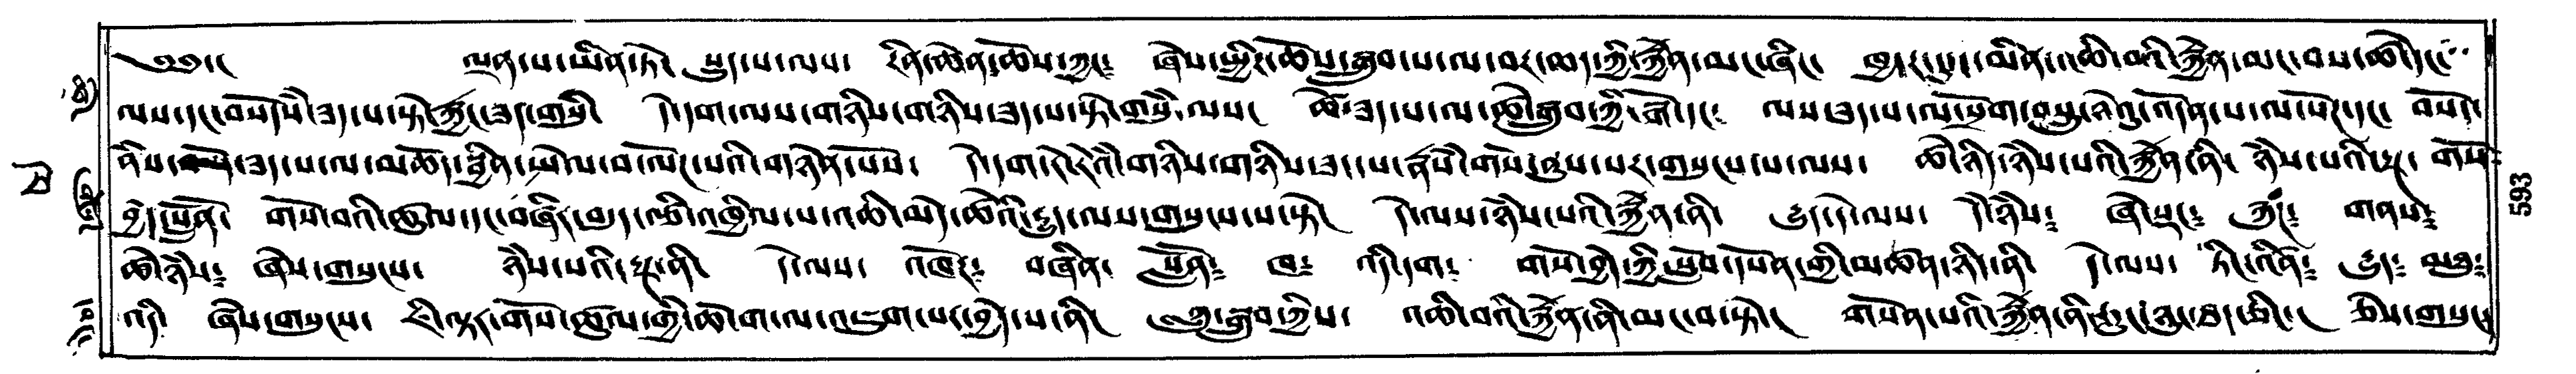ལྡན་པ་ཡིན་ཏེ། སྡུད་པ་ལས། རིན་ཆེན་ཆོས་ཀྱང༴ ཞེས་སྤྱིར་ཆོས་སྒྲུབ་པ་ལ་བར་ཆད་ཀྱི་རྐྱེན་མང་ཞིང་། ཁྱད་པར་དུ་དུས་མིན་འཆི་བའི་རྐྱེན་མང་བས་ཚེ་དང་
ལས་དང་བསོད་ནམས་ཟད་པ་སྟེ་རྐྱང་ཟད་གསུམ། དེ་དག་ལས་གཉིས་གཉིས་ཟད་པ་སྟེ་གསུམ་ལས། ཚེ་ཟད་པ་ལ་ཚེ་སྒྲུབ་ཀྱི་སྒོ་དང་། ལས་ཟད་པ་ལ་སྲོག་བླུ་ཉེའུ་འདོན་པ་ལ་སོགས་དང་། བསོད་
ནམས་ཟད་པ་ལ་མཆོད་སྦྱིན་སྤེལ་བ་སོགས་པའི་གཉེན་པོས། དེ་དག་རེ་རེའམ་གཉིས་གཉིས་ཟད་པ་རྣམས་གསོ་ནུས་པར་གསུངས་པ་ལས། ཚེ་ཉིད་ཉམས་པའི་རྐྱེན། ཉམས་པའི་རྟགས། གསོ་
བྱེད་སློབ་དཔོན། གསོ་བའི་ཚུལ་དང་བཞིར་བདུད་རྩི་འཁྱིལ་པ་འཆི་མེད་ཚེའི་རྒྱུད་ལས་གསུངས་པ་སྟེ། དེ་ལས་ཉམས་པའི་རྐྱེན་ནི། རྒྱུད་དེ་ལས། དམ་ཉམས༴ ཞེ་སྡང༴ སྐུ་གསུང་ཐུགས་༴ གནས༴ 
ཚེ་ཉམས་༴ ཞེས་གསུངས། ཉམས་པའི་རྟགས་ནི། དེ་ལས། འཁོར༴ བཞིན༴ སློབ་དཔོན༴ ཁ༴ འདི་དག༴ གསོ་བྱེད་ཀྱི་སློབ་དཔོན་གྱི་མཚན་ཉིད་ནི། དེ་ལས། ཏིང་འཛིན༴ རྒྱུད༴ མཐུ༴ 
འདི་ ཞེས་གསུངས། ཇི་ལྟར་གསོ་ཚུལ་གྱི་ཆོ་ག་ལ་འཇུག་པར་བྱེད་པ་ནི། ཀླུ་སྒྲུབ་ཀྱིས། འཆི་བའི་རྐྱེན་ནི་མང་བ་སྟེ། གསོན་པའི་རྐྱེན་ནི་ཉུང་ཟད་ཅིག ཅེས་གསུངས་